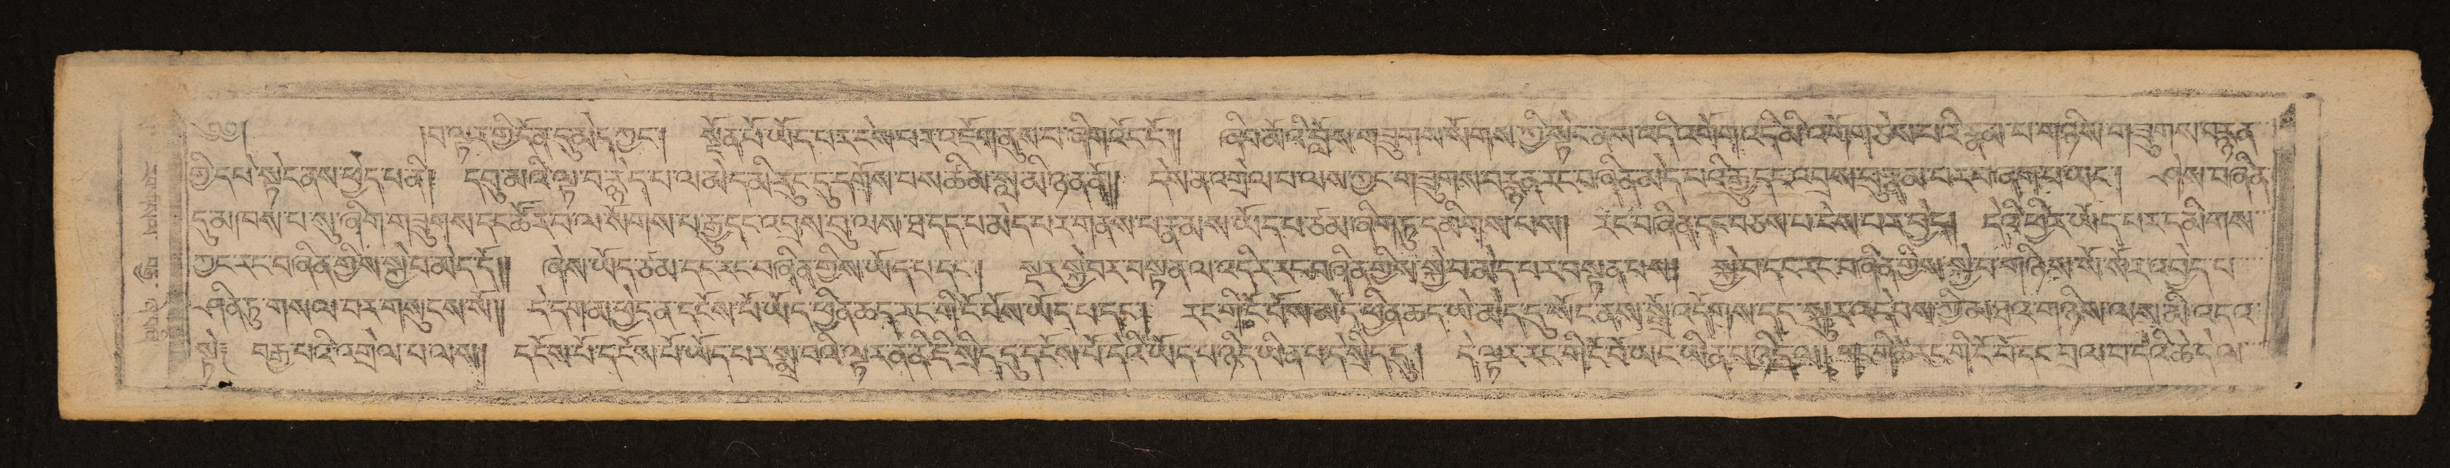༄༅། །བ་ལྟར་གྱི་དོན་དུ་མེད་ཀྱང་། སྔོན་པོ་ཡོད་པར་ངེས་པར་འཇོག་ནུས་པ་ཞིག་འོང་ངོ།། ཞིབ་མོའི་བློས་གཟུགས་སོགས་ཀྱི་སྟེང་ནས་འདི་འགོག་འདི་མི་འགོག་ཅེས་པའི་རྣམ་པ་གཉིས་གཟུགས་བརྙན་
གྱི་དཔེ་སྟེང་ནས་ཕྱེད་པ་ནི། དབུ་མའི་ལྟ་བ་རྙེད་པ་ལ་མེད་མི་རུང་དུ་དགོས་པས་ཚིམ་སླ་མི་ཉན་ནོ།། དེས་ན་འགྲེལ་པ་ལས་ཀྱང་གཟུགས་བརྙན་རང་བཞིན་མེད་པའི་རྒྱུ་དང་འབྲས་བུ་རྣམ་པར་བཞག་པ་ཡང་། ཤེས་བཞིན་
དུ་མཁས་པ་སུ་ཞིག་གཟུགས་དང་ཚོར་བ་ལ་སོགས་པ་རྒྱུ་དང་འབྲས་བུ་ལས་ཐ་དད་པ་མེད་པར་གནས་པ་རྣམས་ཡོད་པ་ཙམ་ཞིག་ཏུ་དམིགས་པས། རང་བཞིན་དང་བཅས་པ་ངེས་པར་བྱེད། དེའི་ཕྱིར་ཡོད་པར་དམིགས་
ཀྱང་རང་བཞིན་གྱིས་སྐྱེ་བ་མེད་དོ།། ཞེས་ཡོད་ཙམ་དང་རང་བཞིན་གྱིས་ཡོད་པ་དང་། སྔར་སྐྱེ་བར་བསྟན་ལ་འདིར་རང་བཞིན་གྱིས་སྐྱེ་བ་མེད་པར་བསྟན་པས། སྐྱེ་བ་དང་རང་བཞིན་གྱིས་སྐྱེ་བ་གཉིས་སོ་སོར་འབྱེད་པ་
ཤིན་ཏུ་གསལ་བར་གསུངས་སོ།། དེ་དག་མ་ཕྱེད་ན་དངོས་པོ་ཡོད་ཕྱིན་ཆད་རང་གི་ངོ་བོས་ཡོད་པ་དང་། རང་གི་ངོ་བོས་མེད་ཕྱིན་ཆད་ཡེ་མེད་དུ་སོང་ནས་སྒྲོ་འདོགས་དང་སྐུར་འདེབས་ཀྱི་མཐའ་གཉིས་ལས་མི་འདའ་
སྟེ། བརྒྱ་པའི་འགྲེལ་པ་ལས། དངོས་པོ་དངོས་པོ་ཡོད་པར་སྨྲ་བའི་ལྟར་ན་ནི་ཇི་སྲིད་དུ་དངོས་པོ་དེའི་ཡོད་པ་ཉིད་ཡིན་པ་དེ་སྲིད་དུ། དེ་ལྟར་རང་གི་ངོ་བོ་ཡང་ཡིན་པ་ཉིད་ལ། གང་གི་ཚེ་རང་གི་ངོ་བོ་དང་བྲལ་བ་དེའི་ཚེ་དེ་ལ་